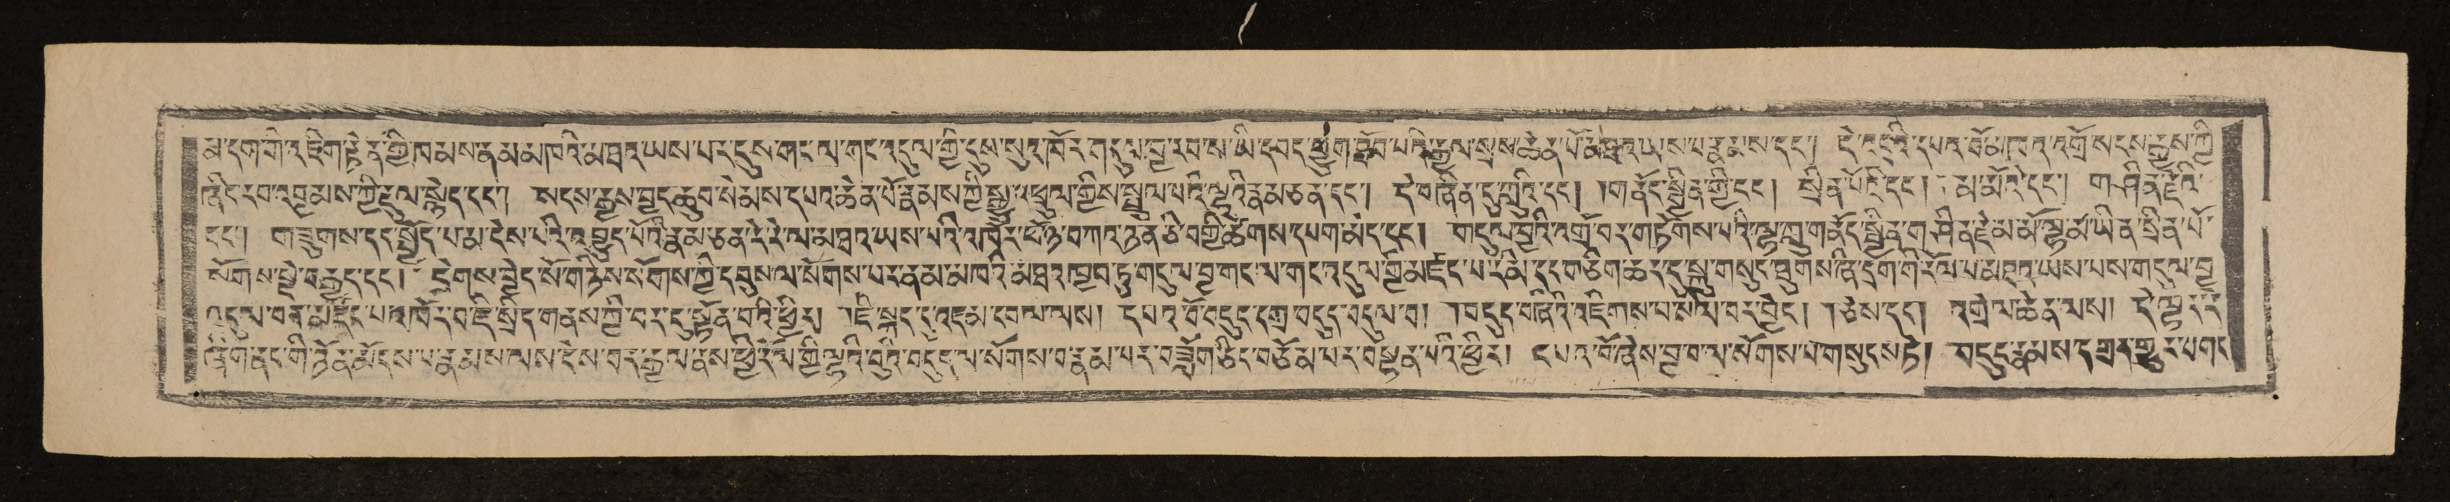མདག་གི་འཇིག་རྟེན་གྱི་ཁམས་ནམ་མཁའི་མཐའ་ཡས་པར་དུས་གང་ལ་གང་འདུལ་གྱི་དུས་སུ་འཁོར་གདུལ་བྱ་རབ་ས་ཡི་དབང་ཕྱུག་ཐོབ་པའི་རྒྱལ་སྲས་ཆེན་པོ་མཐའ་ཡས་པ་རྣམས་དང་། དེ་འདྲའི་དཔའ་བོ་མཁའ་འགྲོ་སངས་རྒྱས་ཀྱི་
ཞིང་རབ་འབྱམས་ཀྱི་རྡུལ་སྙེད་དང་། སངས་རྒྱས་བྱང་ཆུབ་སེམས་དཔའ་ཆེན་པོ་རྣམས་ཀྱི་སྒྱུ་འཕྲུལ་གྱིས་སྤྲུལ་པའི་ལྷའི་རྣམ་ཅན་དང་། དེ་བཞིན་དུ་ཀླུའི་དང་། གནོད་སྦྱིན་གྱི་དང་། སྲིན་པོའི་དང་། མ་མོའི་དང་། གཤིན་རྗེའི་
དང༑ གཟུགས་དང་སྤྱོད་པ་མ་ངེས་པའི་འབྱུང་པོའི་རྣམ་ཅན་རེ་རེ་ལ་མཐའ་ཡས་པའི་འཁོར་ཕོ་ཉ་བཀའ་ཉན་ཅི་བགྱི་ཚོགས་དཔག་མེད་དང་། གདུལ་བྱའི་འགྲོ་བར་གཏོགས་པའི་ལྷ་ཀླུ་གནོད་སྦྱིན་གཤིན་རྗེ་མ་མོ་ལྷ་མ་ཡིན་སྲིན་པོ་
སོགས་སྡེ་བརྒྱད་དང་། དྲེགས་བྱེད་སོ་གཉིས་སོགས་ཀྱི་དབུས་ལ་སོགས་པར་ནམ་མཁའི་མཐའ་ཁྱབ་ཏུ་གདུལ་བྱ་གང་ལ་གང་འདུལ་གྱི་མཛད་པར་མི་དང་གཅིག་ཆར་དུ་སྐུ་གསུང་ཐུགས་ཞི་དྲག་གི་རོལ་པ་མཐའ་ཡས་པས་གདུལ་བྱ་
འདུལ་བར་མཛད་པ་འཁོར་བ་ཇི་སྲིད་གནས་ཀྱི་བར་དུ་སྟོན་པའི་ཕྱིར། ཇི་སྐད་དུ་འཇམ་དཔལ་ལས། དཔའ་བོ་བདུད་དགྲ་བདུད་འདུལ་བ། །བདུད་བཞིའི་འཇིགས་པ་སེལ་བར་བྱེད། །ཅེས་དང་། འགྲེལ་ཆེན་ལས། དེ་ལྟར་རེ་
ཞིག་ནང་གི་ཉོན་མོངས་པ་རྣམས་ལས་ངེས་པར་རྒྱལ་ནས་ཕྱི་རོལ་གྱི་ལྷའི་བུའི་བདུད་ལ་སོགས་པ་རྣམ་པར་བཟློག་ཅིང་བཅོམ་པར་བསྟན་པའི་ཕྱིར། དཔའ་བོ་ཞེས་བྱ་བ་ལ་སོགས་པ་གསུངས་ཏེ། བདུད་རྣམས་དགྲར་གྱུར་པ་གང་